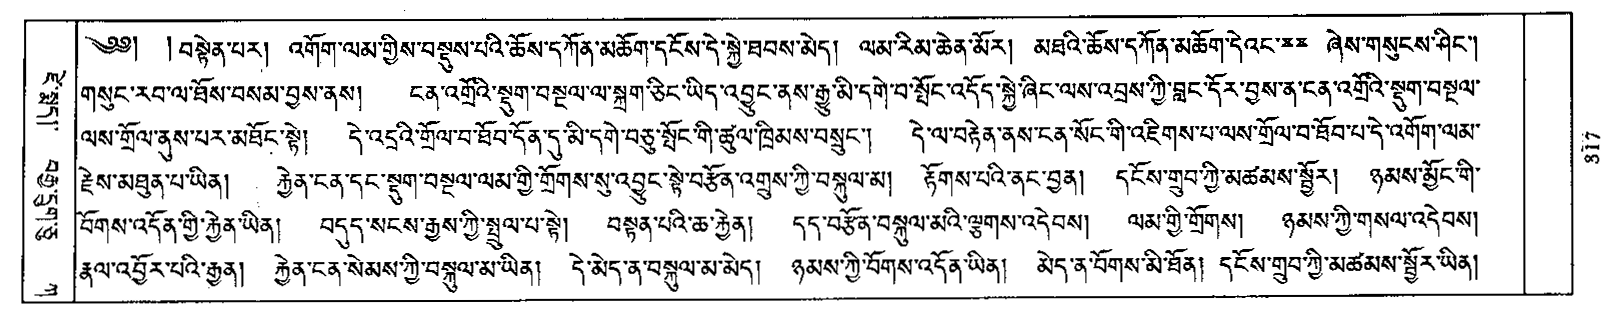༄༅། །བསྟེན་པར། འགོག་ལམ་གྱིས་བསྡུས་པའི་ཆོས་དཀོན་མཆོག་དངོས་དེ་སྐྱེ་ཐབས་མེད། ལམ་རིམ་ཆེན་མོར། མཐའི་ཆོས་དཀོན་མཆོག་དེའང་྾་྾་ཞེས་གསུངས་ཤིང་།
གསུང་རབ་ལ་ཐོས་བསམ་བྱས་ནས། ངན་འགྲོའི་སྡུག་བསྔལ་ལ་སྐྲག་ཅིང་ཡིད་འབྱུང་ནས་རྒྱུ་མི་དགེ་བ་སྤོང་འདོད་སྐྱེ་ཞིང་ལས་འབྲས་ཀྱི་བླང་དོར་བྱས་ན་ངན་འགྲོའི་སྡུག་བསྔལ་
ལས་གྲོལ་ནུས་པར་མཐོང་སྟེ། དེ་འདྲའི་གྲོལ་བ་ཐོབ་དོན་དུ་མི་དགེ་བཅུ་སྤོང་གི་ཚུལ་ཁྲིམས་བསྲུང་། དེ་ལ་བརྟེན་ནས་ངན་སོང་གི་འཇིགས་པ་ལས་གྲོལ་བ་ཐོབ་པ་དེ་འགོག་ལམ་
རྗེས་མཐུན་པ་ཡིན། རྐྱེན་ངན་དང་སྡུག་བསྔལ་ལམ་གྱི་གྲོགས་སུ་འབྱུང་སྟེ་བརྩོན་འགྲུས་ཀྱི་བསྐུལ་མ། རྟོགས་པའི་ནང་བྱན། དངོས་གྲུབ་ཀྱི་མཚམས་སྦྱོར། ཉམས་མྱོང་གི་
བོགས་འདོན་གྱི་རྐྱེན་ཡིན། བདུད་སངས་རྒྱས་ཀྱི་སྤྲུལ་པ་སྟེ། བསྟན་པའི་ཆ་རྐྱེན། དད་བརྩོན་བསྐུལ་མའི་ལྕགས་འདེབས། ལམ་གྱི་གྲོགས། ཉམས་ཀྱི་གསལ་འདེབས།
རྣལ་འབྱོར་པའི་རྒྱན། རྐྱེན་ངན་སེམས་ཀྱི་བསྐུལ་མ་ཡིན། དེ་མེད་ན་བསྐུལ་མ་མེད། ཉམས་ཀྱི་བོགས་འདོན་ཡིན། མེད་ན་བོགས་མི་ཐོན། དངོས་གྲུབ་ཀྱི་མཚམས་སྦྱོར་ཡིན།